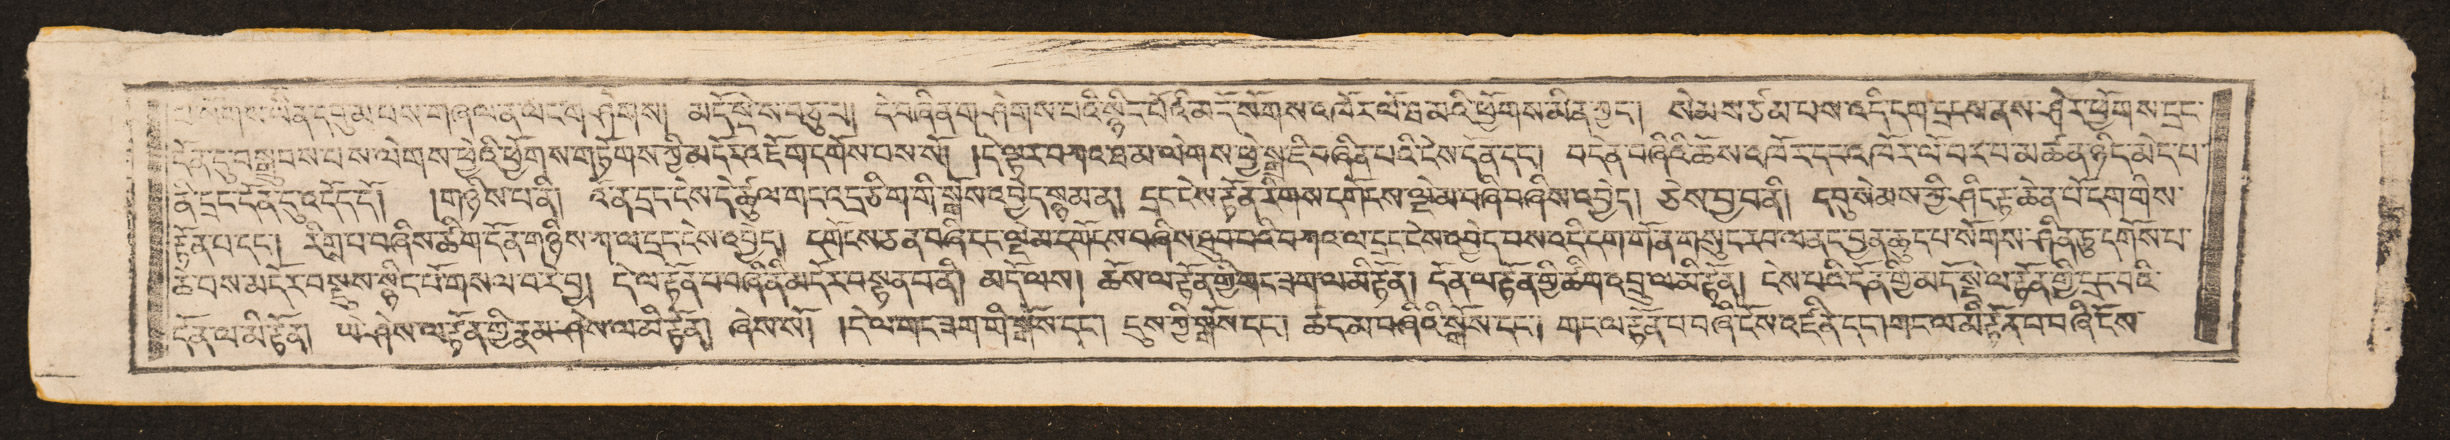པ་སོགས་ཡིན་དབུ་མ་པས་གཞལ་ནས་ལང་གཤེགས། མདོ་སྡེ་ས་བཅུ་པ། དེ་བཞིན་གཤེགས་པའི་སྙིང་པོའི་མདོ་སོགས་འཁོར་ལོ་ཐ་མའི་ཕྱོགས་མིན་ཀྱང་། སེམས་ཙམ་པས་འདི་དག་དྲངས་ནས་ཤེར་ཕྱོགས་དྲང་
དོན་དུ་བསྒྲུབས་པས་ལེགས་ཕྱེའི་ཕྱོགས་གཏོགས་ཀྱི་མདོར་འཇོག་དགོས་པས་སོ། །དེ་ལྟར་བཀའ་ཐ་མ་ལེགས་ཕྱེ་སྒྲ་ཇི་བཞིན་པའི་ངེས་དོན་དང་། བདེན་བཞིའི་ཆོས་འཁོར་དང་འཁོར་ལོ་བར་བ་མཚན་ཉིད་མེད་པ་
ནི་དྲང་དོན་དུ་འདོད་དོ། །གཉིས་པ་ནི། འོ་ན་དྲང་ངེས་དེ་ཚུལ་གང་འདྲ་ཅིག་གི་སྒོས་འབྱེད་སྙམ་ན། དྲང་ངེས་རྟོན་རིགས་དགོངས་ལྡེམ་བཞི་བཞིས་འབྱེད། ཅེས་བྱ་བ་ནི། དབུ་སེམས་ཀྱི་ཤིང་རྟ་ཆེན་པོ་དག་གིས་
རྟོན་པ་དང་། རིགས་པ་བཞིས་ཚིག་དོན་གཉིས་ཀ་ལ་དྲང་ངེས་འབྱེད། དགོངས་ཅན་བཞི་དང་ལྡེམ་དགོངས་བཞིས་ཐུབ་པའི་བཀའ་ལ་དྲང་ངེས་འབྱེད་པས་འདི་དག་གོ་ན་གསུང་རབ་ལ་ནང་བྱན་ཆུད་པ་སོགས་ཤིན་ཏུ་དགོས་པ་
ཆེ་བས་མདོར་བསྡུས་སྙིང་པོ་གསལ་བ་རེ་བྱ། དེ་ལ་རྟོན་པ་བཞི་ནི་མདོར་བསྟན་པ་ནི། མདོ་ལས། ཆོས་ལ་རྟོན་གྱི་གང་ཟག་ལ་མི་རྟོན། དོན་ལ་རྟོན་གྱི་ཚིག་འབྲུ་ལ་མི་རྟོན། ངེས་པའི་དོན་གྱི་མདོ་སྡེ་ལ་རྟོན་གྱི་དྲང་བའི་
དོན་ལ་མི་རྟོན། ཡེ་ཤེས་ལ་རྟོན་གྱི་རྣམ་ཤེས་ལ་མི་རྟོན། ཞེས་སོ། །དེ་ལ་གང་ཟག་གི་སྒོས་དང་། དུས་ཀྱི་སྒོས་དང་། ཚད་མ་བཞིའི་སྒོས་དང་། གང་ལ་རྟོན་པ་བཞི་ངོས་འཛིན་དང་། གང་ལ་མི་རྟོན་པ་བཞི་ངོས་